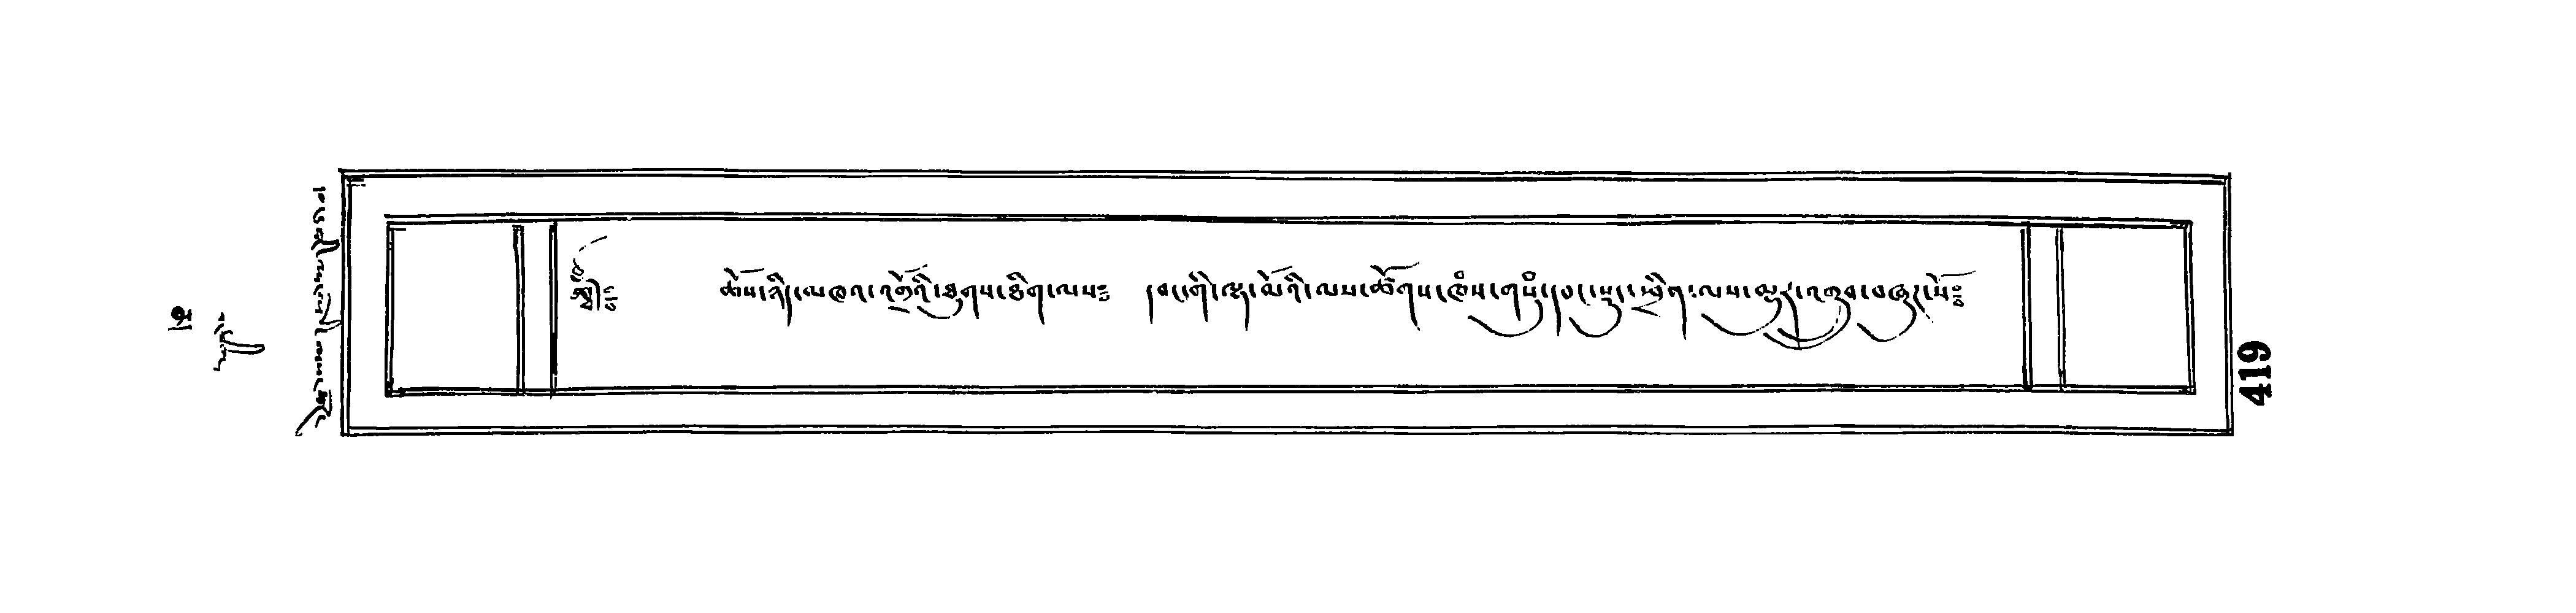ཆོས་ཉིད་མཁའ་འགྲོའི་ཐུགས་ཐིག་ལས༔ དབང་གི་ལྷ་མོའི་ལས་ཚོགས་ཁམས་གསུམ་དབང་བསྡུད་ཕྲིན་ལས་མྱུར་འགྲུབ་བཞུགས་སོ༔